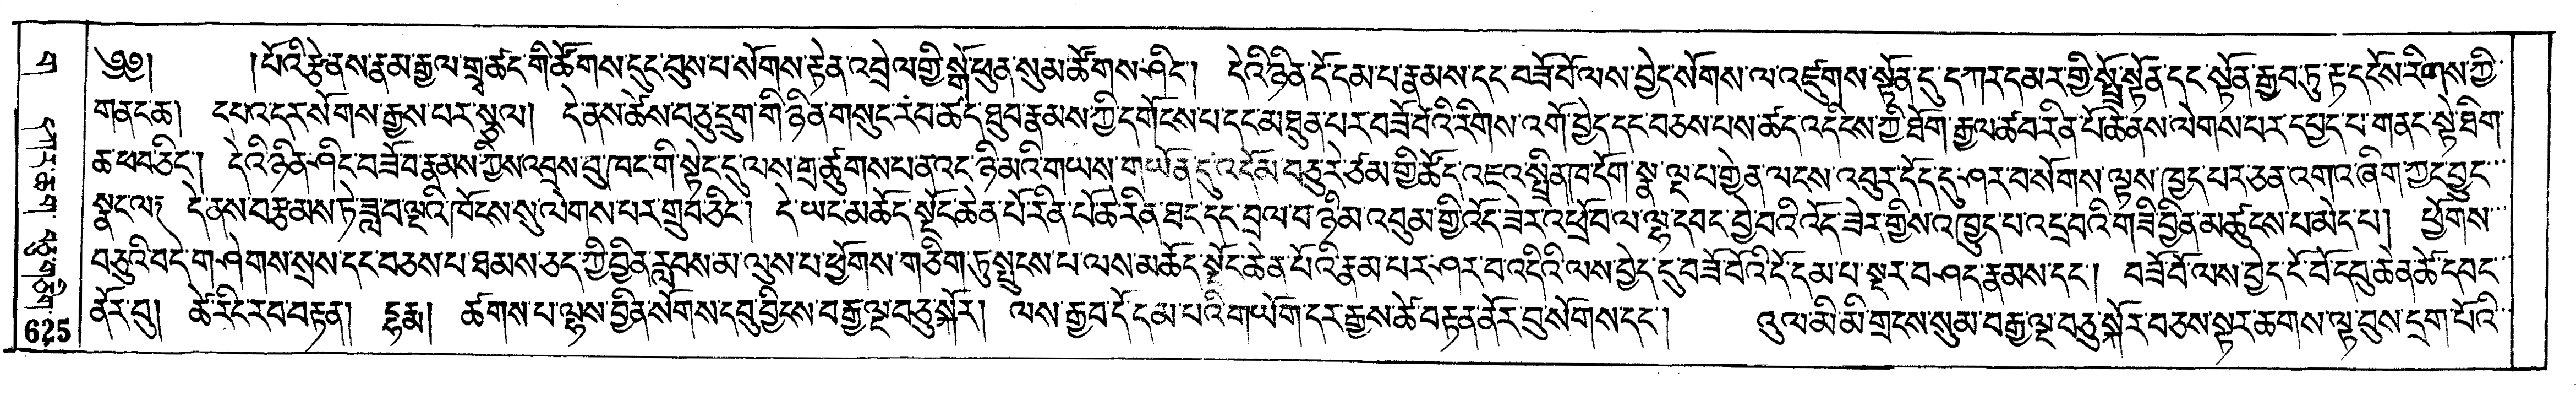༄༅། །པོའི་རྩེ་ནས་རྣམ་རྒྱལ་གྲྭ་ཚང་གི་ཚོགས་དུང་བུས་པ་སོགས་རྟེན་འབྲེལ་གྱི་སྒོ་ཕུན་སུམ་ཚོགས་ཤིང་། དེའི་ཉིན་དོ་དམ་པ་རྣམས་དང་བཟོ་བོ་ལས་བྱེད་སོགས་ལ་འཛུགས་སྟོན་དུ་དཀར་དམར་གྱི་སྤྲོ་སྟོན་དང་སྟོན་རྒྱབ་ཏུ་རྟ་དངོས་རིགས་ཀྱི་
གནང་ཆ། དཔའ་དར་སོགས་རྒྱས་པར་སྩལ། དེ་ནས་ཚེས་བཅུ་དྲུག་གི་ཉིན་གསུང་རབ་ཚང་ཐུབ་རྣམས་ཀྱི་དགོངས་པ་དང་མཐུན་པར་བཟོ་བོའི་རིགས་འོག་བྱེད་དང་བཅས་པས་ཚད་འདིངས་ཀྱི་ཐོག་རྒྱལ་ཚབ་རིན་པོ་ཆེ་ནས་ལེགས་པར་དཔྱད་པ་གནང་སྟེ་ཐིག་
ཆ་ཕབ་ཅིང་། དེའི་ཉིན་ཤིང་བཟོ་བ་རྣམས་ཀྱིས་འབྲས་བུ་ཁང་གི་སྟེང་དུ་ལས་གྲ་ཚུགས་པ་ནའང་ཉི་མའི་གཡས་གཡོན་དུ་འདོམ་བཅུ་རེ་ཙམ་གྱི་ཚོད་འཇའ་སྤྲིན་ཁ་དོག་སྣ་ལྔ་པ་གྱེན་ལངས་འབུར་དོད་དུ་ཤར་བ་སོགས་ལྟས་ཁྱད་པར་ཅན་འགའ་ཞིག་ཀྱང་བྱུང་
སྣང་ལ༑ དེ་ནས་བརྩམས་ཏེ་ཟླ་བ་ལྔའི་ཁོངས་སུ་ལེགས་པར་གྲུབ་ཅིང་། དེ་ཡང་མཆོད་སྡོང་ཆེན་པོ་རིན་པོ་ཆེ་རིན་ཐང་དང་བྲལ་བ་ཉི་མ་འབུམ་གྱི་འོད་ཟེར་འཕྲོ་བ་ལ་ལྷ་དབང་བྱེ་བའི་འོད་ཟེར་གྱིས་འཁྱུད་པ་འདྲ་བའི་གཟི་བྱིན་མཚུངས་པ་མེད་པ། ཕྱོགས་
བཅུའི་བདེ་གཤེགས་སྲས་དང་བཅས་པ་ཐམས་ཅད་ཀྱི་བྱིན་རླབས་མ་ལུས་པ་ཕྱོགས་གཅིག་ཏུ་སྤུངས་པ་ལས་མཆོད་སྡོང་ཆེན་པོའི་རྣམ་པར་ཤར་བ་འདིའི་ལས་བྱེད་དུ་བཟོ་བོའི་དོ་དམ་པ་སྔར་བཤད་རྣམས་དང་། བཟོ་བོ་ལས་བྱེད་ངོ་བོ་དབུ་ཆེན་ཚེ་དབང་
ནོར་བུ། ཚེ་རིང་རབ་བརྟན། དྷརྨ། ཚགས་པ་ལྷས་བྱིན་སོགས་དབུ་བྱིངས་བརྒྱ་ལྔ་བཅུ་སྐོར། ལས་རྒྱབ་དོ་དམ་པའི་གཡོག་དར་རྒྱས་ཚེ་བརྟན་ནོར་བུ་སོགས་དང་། འུལ་མི་མི་གྲངས་སུམ་བརྒྱ་ལྔ་བཅུ་སྐོར་བཅས་སྟར་ཆགས་ལྟ་བུས་དྲག་པོའི་